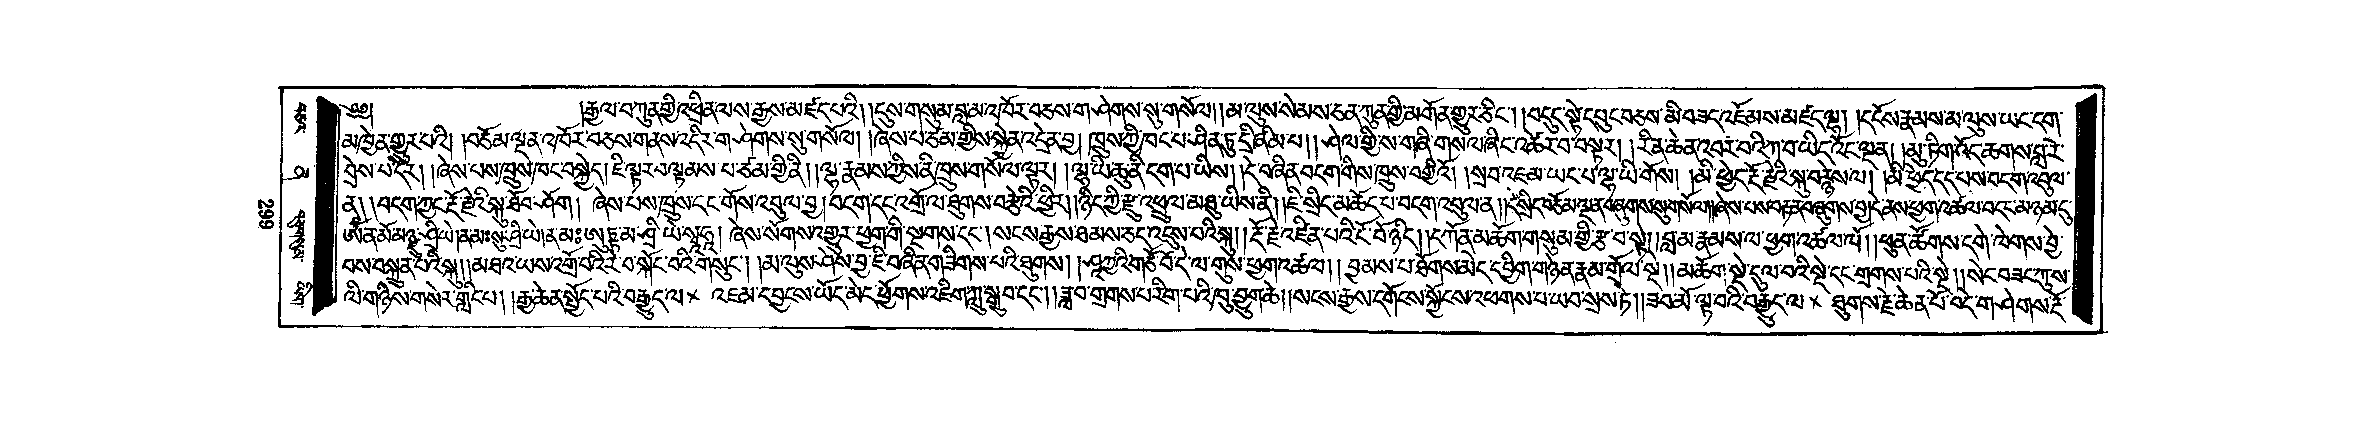༄༅། །རྒྱལ་བ་ཀུན་གྱི་འཕྲིན་ལས་རྒྱས་མཛད་པའི། །དུས་གསུམ་བླ་མ་འཁོར་བཅས་གཤེགས་སུ་གསོལ། །མ་ལུས་སེམས་ཅན་ཀུན་གྱི་མགོན་གྱུར་ཅིང་། །བདུད་སྟེ་དཔུང་བཅས་མི་བཟད་འཇོམས་མཛད་ལྷ། །དངོས་རྣམས་མ་ལུས་ཡང་དག་
མཁྱེན་གྱུར་པའི། །བཅོམ་ལྡན་འཁོར་བཅས་གནས་འདིར་གཤེགས་སུ་གསོལ། །ཞེས་པ་ཙམ་གྱིས་སྐྱེན་འདྲེན་བྱ། ཁྲུས་ཀྱི་ཁང་པ་ཤིན་ཏུ་དྲི་ཞིམ་པ། །ཤེལ་གྱི་ས་གཞི་གསལ་ཞིང་འཚེར་བ་བསྟར། །རིན་ཆེན་འབར་བའི་ཀ་བ་ཡིད་འོང་ལྡན། །མུ་ཏིག་འོད་ཆགས་བླ་རེ་
བྲེས་པ་དེར། །ཞེས་པས་ཁྲུས་ཁང་བསྐྱེད། ཇི་ལྟར་བལྟམས་པ་ཙམ་གྱི་ནི། །ལྷ་རྣམས་ཀྱིས་ནི་ཁྲུས་གསོལ་ལྟར། །ལྷ་ཡི་ཆུ་ནི་དག་པ་ཡིས། །དེ་བཞིན་བདག་གིས་ཁྲུས་བགྱིའོ། །སྲབ་འཇམ་ཡང་པ་ལྷ་ཡི་གོས། །མི་ཕྱེད་རྡོ་རྗེའི་སྐུ་བརྙེས་ལ། །མི་ཕྱེད་དད་པས་བདག་འབུལ་
ན། །བདག་ཀྱང་རྡོ་རྗེའི་སྐུ་ཐོབ་ཤོག །ཞེས་པས་ཁྲུས་དང་གོས་འབུལ་བྱ། བདག་དང་འགྲོ་ལ་ཐུགས་བརྩེའི་ཕྱིར། །ཉིད་ཀྱི་རྫུ་འཕྲུལ་མཐུ་ཡིས་ནི། །ཇི་སྲིད་མཆོད་པ་བདག་འབུལ་ན། །དེ་སྲིད་བཅོམ་ལྡན་བཞུགས་སུ་གསོལ། །ཞེས་པས་བརྟན་བཞུགས་བྱ། དེ་ནས་ཕྱག་འཚལ་བ་དང་མཉམ་དུ་
ཨོཾ་ན་མོ་མཉྫུ་ཤྲི་ཡེ། ན་མཿ སུ་ཤྲི་ཡེ། ན་མཿ ཨུཏྟ་མ་ཤྲི་ཡེ་སྭཱཧཱ། ཞེས་སོགས་འགྱུར་ཕྱག་གི་སྔགས་དང་། སངས་རྒྱས་ཐམས་ཅད་འདུས་པའི་སྐུ། །རྡོ་རྗེ་འཛིན་པའི་ངོ་བོ་ཉིད། །དཀོན་མཆོག་གསུམ་གྱི་རྩ་བ་སྟེ། །བླ་མ་རྣམས་ལ་ཕྱག་འཚལ་ལོ། །ཕུན་ཚོགས་དགེ་ལེགས་བྱེ་
བས་བསྐྲུན་པའི་སྐུ། །མཐའ་ཡས་འགྲོ་བའི་རེ་བ་སྐོང་བའི་གསུང་། །མ་ལུས་ཤེས་བྱ་ཇི་བཞིན་གཟིགས་པའི་ཐུགས། །ཤཱཀྱའི་གཙོ་བོ་དེ་ལ་གུས་ཕྱག་འཚལ། །བྱམས་པ་ཐོགས་མེད་དབྱིག་གཉེན་རྣམ་གྲོལ་སྡེ། །མཆོག་སྡེ་དུལ་བའི་སྡེ་དང་གྲགས་པའི་སྡེ། །སེང་བཟང་ཀུ་ས་
ལི་གཉིས་གསེར་གླིང་པ། །རྒྱ་ཆེན་སྤྱོད་པའི་བརྒྱུད་ལ་྾་འཇམ་དབྱངས་ཡོད་མེད་ཕྱོགས་འཇིག་ཀླུ་སྒྲུབ་དང་། །ཟླ་བ་གྲགས་པ་རིག་པའི་ཁུ་བྱུག་ཆེ། །སངས་རྒྱས་དགོངས་སྐྱོངས་འཕགས་པ་ཡབ་སྲས་ཏེ། །ཟབ་མོ་ལྟ་བའི་བརྒྱུད་ལ་྾་ཐུགས་རྗེ་ཆེན་པོ་བདེ་གཤེགས་རྡོ་